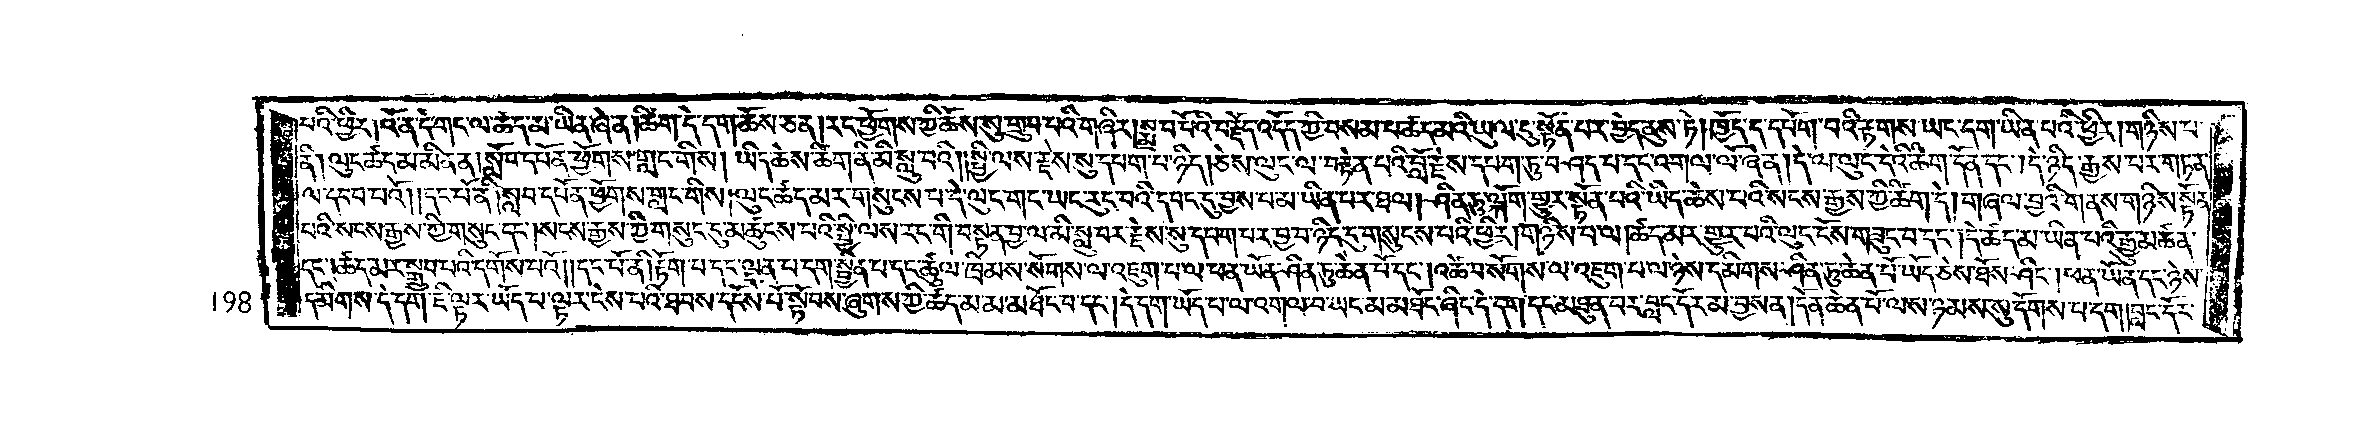པའི་ཕྱིར། འོ་ན་དེ་གང་ལ་ཚད་མ་ཡིན་ཞེ་ན། ཚིག་དེ་དག་ཆོས་ཅན། རང་ཕྱོགས་ཀྱི་ཆོས་སུ་གྲུབ་པའི་གཞིར། སྨྲ་བ་པོའི་བརྗོད་འདོད་ཀྱི་བསམ་པ་ཚད་མའི་ཡུལ་དུ་སྟོན་པར་བྱེད་ནུས་ཏེ། ཁྱོད་དེ་དཔོག་པའི་རྟགས་ཡང་དག་ཡིན་པའི་ཕྱིར། གཉིས་པ་
ནི། ལུང་ཚད་མ་མིན་ན། སློབ་དཔོན་ཕྱོགས་གླང་གིས། ཡིད་ཆེས་ཚིག་ནི་མི་སླུ་བའི། །སྤྱི་ལས་རྗེས་སུ་དཔག་པ་ཉིད། ཅེས་ལུང་ལ་བརྟེན་པའི་བློ་རྗེས་དཔག་ཏུ་བཤད་པ་དང་འགལ་ལོ་ཞེ་ན། དེ་ལ་ལུང་དེའི་ཚིག་དོན་དང་། དེ་ཉིད་རྒྱས་པར་གཏན་
ལ་དང་བ་པའོ། །དང་པོ་ནི། སློབ་དཔོན་ཕྱོགས་གླང་གིས། ལུང་ཚད་མར་གསུངས་པ་དེ་ལུང་གང་ཡང་རུང་བའི་དབང་དུ་བྱས་པ་མ་ཡིན་པར་ཐལ། ཤིན་ཏུ་ལྐོག་གྱུར་སྟོན་པའི་ཡིད་ཆེས་པའི་སངས་རྒྱས་ཀྱི་ཚིག་དེ། གཞལ་བྱའི་གནས་གཉིས་སྟོན་
པའི་སངས་རྒྱས་ཀྱི་གསུང་དང་། སངས་རྒྱས་ཀྱི་གསུང་དུ་མཚུངས་པའི་སྤྱི་ལས་རང་གི་བསྟན་བྱ་ལ་མི་སླུ་བར་རྗེས་སུ་དཔག་པར་བྱ་བ་ཉིད་དུ་གསུངས་པའི་ཕྱིར། གཉིས་པ་ལ། ཚད་མར་གྱུར་པའི་ལུང་ངོས་གཟུང་བ་དང་། དེ་ཚད་མ་ཡིན་པའི་རྒྱུ་མཚན་
དང་། ཚད་མར་སྒྲུབ་པའི་དགོས་པའོ། །དང་པོ་ནི། རྟོག་པ་དང་ལྡན་པ་དག་སྦྱིན་པ་དང་ཚུལ་ཁྲིམས་སོགས་ལ་འཇུག་པ་ལ་ཕན་ཡོན་ཤིན་ཏུ་ཆེན་པོ་དང་། འཚེ་བ་སོགས་ལ་འཇུག་པ་ལ་ཉེས་དམིགས་ཤིན་ཏུ་ཆེན་པོ་ཡོད་ཅེས་ཐོས་ཤིང་། ཕན་ཡོན་དང་ཉེས་
དམིགས་དེ་དག་ཇི་ལྟར་ཡོད་པ་ལྟར་ངེས་པའི་ཐབས་དངོས་པོ་སྟོབས་ཞུགས་ཀྱི་ཚད་མ་མ་མཐོང་བ་དང་། དེ་དག་ཡོད་པ་ལ་འགལ་བ་ཡང་མ་མཐོང་ཞིང་དེ་དག་དང་མཐུན་པར་བླང་དོར་མ་བྱས་ན། དོན་ཆེན་པོ་ལས་ཉམས་སུ་དོགས་པ་དག་བླང་དོར་